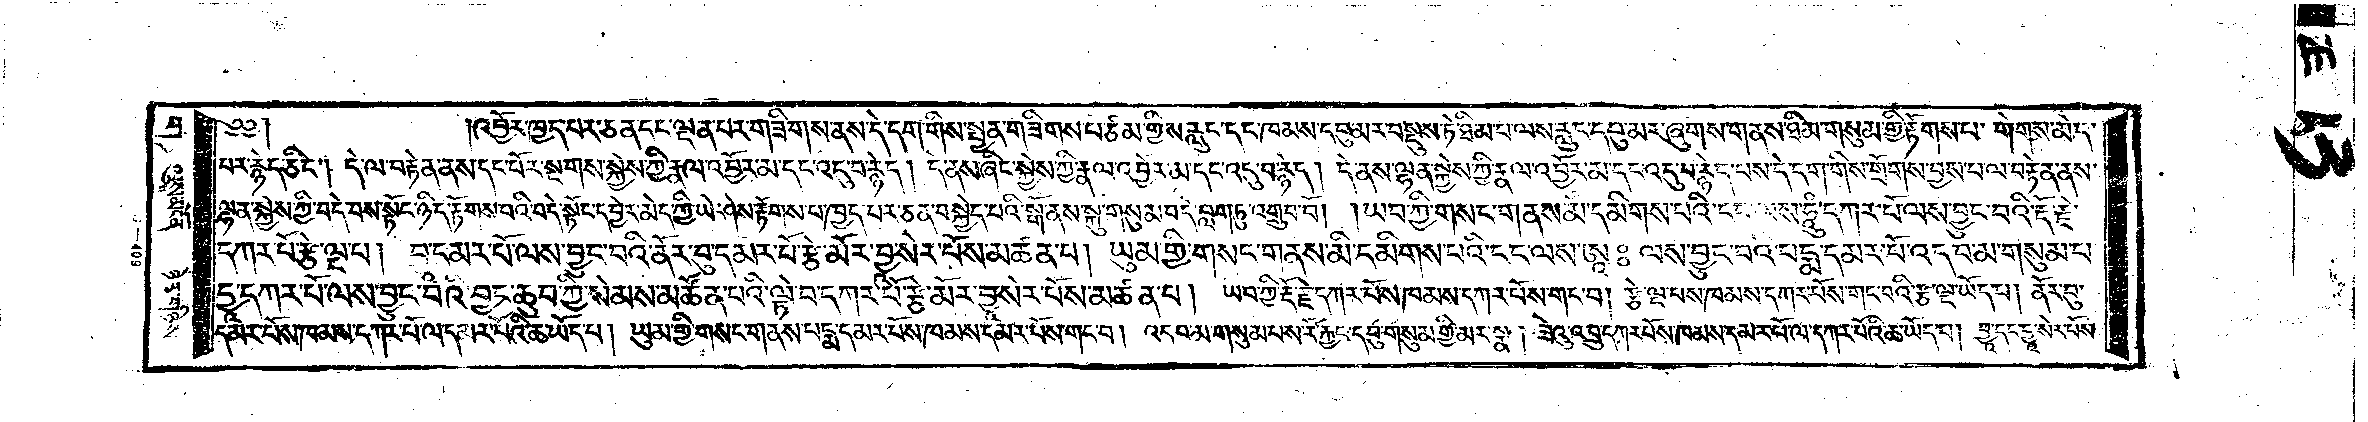༄༅། །འབྱོར་ཁྱད་པར་ཅན་དང་ལྡན་པར་གཟིགས་ནས་དེ་དག་གིས་སྤྱན་གཟིགས་པ་ཙམ་གྱིས་རླུང་དང་ཁམས་དབུ་མར་བསྡུས་ཏེ་ཐིམ་པ་ལས་རླུང་དབུ་མར་ཞུགས་གནས་ཐིམ་གསུམ་གྱི་རྟོགས་པ་གེགས་མེད་
པར་རྙེད་ཅིང་། དེ་ལ་བརྟེན་ནས་དང་པོར་སྔགས་སྐྱེས་ཀྱི་རྣལ་འབྱོར་མ་དང་འདུ་བ་རྙེད། དེ་ནས་ཞིང་སྐྱེས་ཀྱི་རྣལ་འབྱོར་མ་དང་འདུ་བ་རྙེད། དེ་ནས་ལྷན་སྐྱེས་ཀྱི་རྣལ་འབྱོར་མ་དང་འདུ་པ་རྙེད་པས་དེ་དག་གིས་གྲོགས་བྱས་པ་ལ་བརྟེན་ནས་
ལྷན་སྐྱེས་ཀྱི་བདེ་བས་སྟོང་ཉིད་རྟོགས་པའི་བདེ་སྟོང་དབྱེར་མེད་ཀྱི་ཡེ་ཤེས་རྟོགས་པ་ཁྱད་པར་ཅན་བསྐྱེད་པའི་སྒོ་ནས་སྐུ་གསུམ་བདེ་བླག་ཏུ་འགྲུབ་བོ། །ཡབ་ཀྱི་གསང་གནས་མི་དམིགས་པའི་ངང་ལས་ཧཱུཾ་དཀར་པོ་ལས་བྱུང་བའི་རྡོ་རྗེ
དཀར་པོ་རྩེ་ལྔ་པ། བྱཱ་མར་པོ་ལས་བྱུང་བའི་ནོར་བུ་དམར་པོ་རྩེ་མོར་བྱ་སེར་པོས་མཚན་པ། ཡུམ་གྱི་གསང་གནས་མི་དམིགས་པའི་ངང་ལས་ཨཱཿལས་བྱུང་བའི་པདམ་དམར་པོ་འདབ་མ་གསུམ་པ་
དྱཱ་དཀར་པོ་ལས་བྱུང་བའི་བྱང་ཆུབ་ཀྱི་སེམས་མཚོན་པའི་ལྟེ་བ་དཀར་པོ་རྩེ་མོར་བྱཱ་སེར་པོས་མཚན་པ། ཡབ་ཀྱི་རྡོ་རྗེ་དཀར་པོས་ཁམས་དཀར་པོས་གང་བ། རྩེ་ལྔ་པས་ཁམས་དཀར་པོས་གང་བའི་རྩ་ལྔ་ཡོད་པ། ནོར་བུ་
དམར་པོས་ཁམས་དཀར་པོ་ལ་དམར་པོའི་ཆ་ཡོད་པ། ཡུམ་གྱི་གསང་གནས་པདམ་དམར་པོས་ཁམས་དམར་པོས་གང་བ། འདབ་མ་གསུམ་པས་རོ་རྐྱང་དབུ་གསུམ་གྱི་མར་སྣ། ཟེའུ་འབྲུ་དཀར་པོས་ཁམས་དམར་པོ་ལ་དཀར་པོའི་ཆ་ཡོད་པ། བྱཱ་དང་དྱཱ་སེར་པོས་